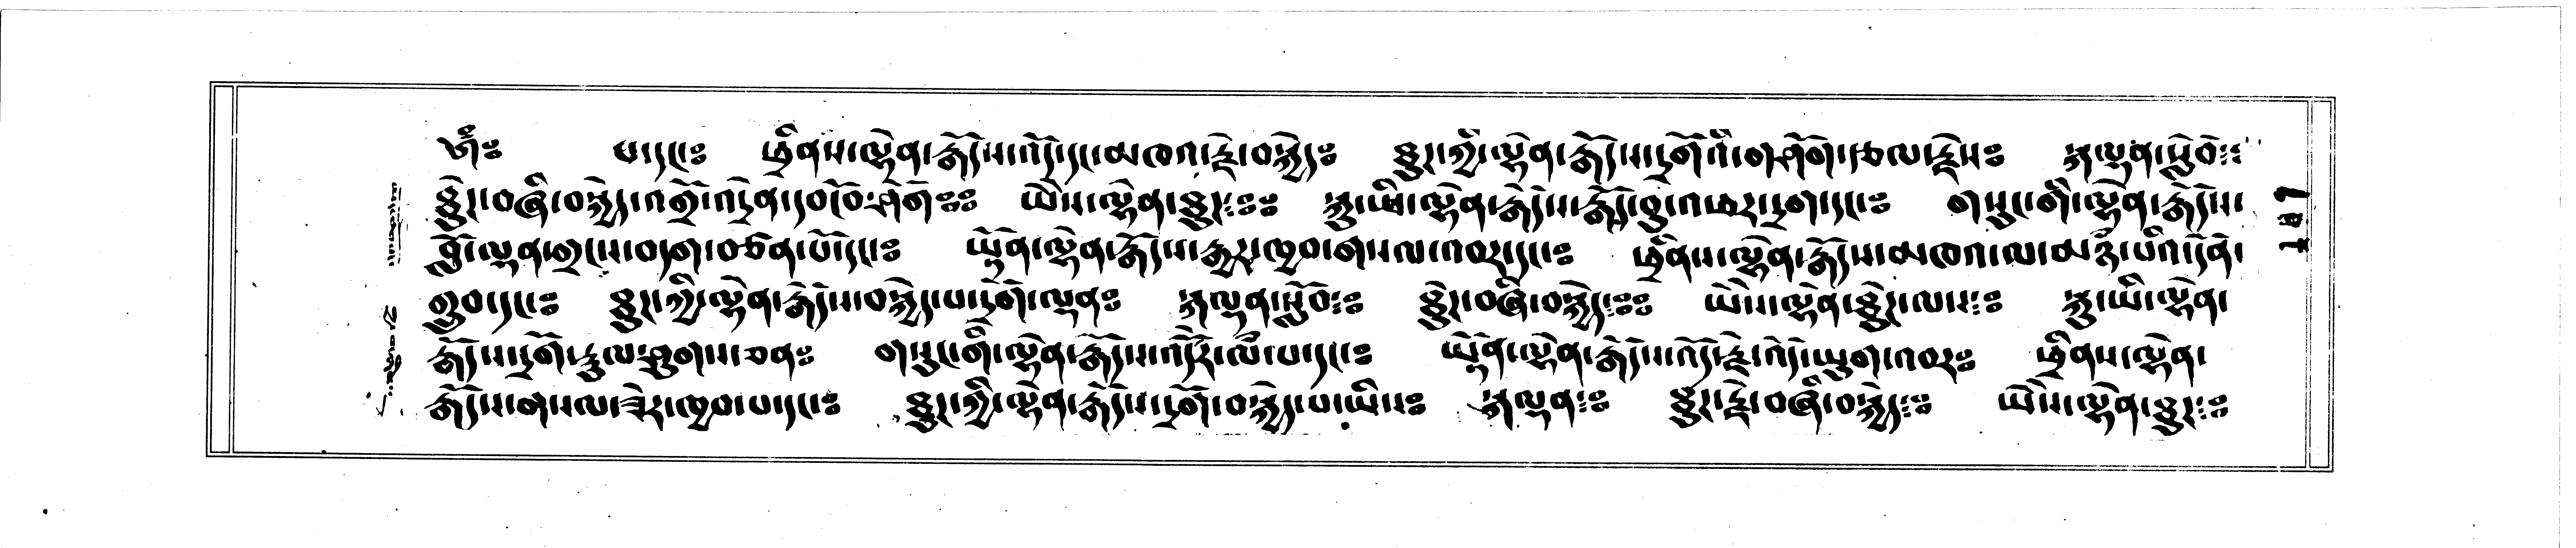པ་དངཿ ཕྲིན་ལས་ཀྱི་ལྷ་ཆེན་རྒོད་གསས་འོད་དང་མཁའ་རྗེ་བསྐྱེདཿ ཐུགས་ཀྱི་ལྷ་ཆེན་རྒོད་གསས་དྲག་པོ་གཤོག་རྩལ་རྗེསཿ སྐལ་ལྡན་སློབ་མ་རྣམས་ལ་དབང་བསྐུར་བསཿ 
ཐུགས་རྗེ་བཞི་བསྐྱེད་འགྲོ་འདྲེན་དབང་ཐོབ་ཤོགཿ ཡེ་ཤེས་ལྷ་ཆེན་ཐུགས་རྗེ་ལས་བསྐྱེད་པའིཿ སྐུ་ཡི་ལྷ་ཆེན་རྒོད་གསས་རྒོད་བུ་འཕར་དྲག་དངཿ གསུང་གི་ལྷ་ཆེན་རྒོད་གསས་
བློ་ལྡན་དྲང་བདག་བཙན་པ་དངཿ ཡོན་ཏན་གྱི་ལྷ་ཆེན་རྒོད་གསས་རྒྱར་ཁྱབ་གསལ་འབར་དངཿ ཕྲིན་ལས་ཀྱི་ལྷ་ཆེན་རྒོད་གསས་མཁའ་ལ་མཉམ་པའི་དོན་
གྲུབ་དངཿ ཐུགས་ཀྱི་ལྷ་ཆེན་རྒོད་གསས་བསྐྱེད་པ་དྲག་པོ་ལྡནཿ སྐལ་ལྡན་སློབ་མ་རྣམས་ལ་དབང་བསྐུར་བསཿ ཐུགས་རྗེ་བཞི་བསྐྱེད་འགྲོ་འདྲེན་དབང་ཐོབ་ཤོགཿ ཡེ་ཤེས་ལྷ་ཆེན་ཐུགས་རྗེ་ལས་བསྐྱེད་པའིཿ སྐུ་ཡི་ལྷ་
ཆེན་རྒོད་གསས་དྲག་པོ་བརྟུལ་ཞུགས་ཅནཿ གསུང་གི་ལྷ་ཆེན་རྒོད་གསས་འོད་ཟེར་ལམ་པ་དངཿ ཡོན་ཏན་གྱི་ལྷ་ཆེན་རྒོད་གསས་འོད་རྗེ་འོད་ཡུག་འབརཿ ཕྲིན་ལས་ཀྱི་ལྷ་
ཆེན་རྒོད་གསས་གསལ་ཟེར་ཁྱབ་པཿ ཐུགས་ཀྱི་ལྷ་ཆེན་རྒོད་གསས་རོག་པ་སྐྱོད་པ་ཡིསཿ སྐལ་ལྡན་སློབ་མ་རྣམས་ལ་དབང་བསྐུར་བསཿ ཐུགས་རྗེ་བཞི་བསྐྱེད་འགྲོ་འདྲེན་དབང་ཐོབ་ཤོགཿ ཡེ་ཤེས་ལྷ་ཆེན་ཐུགས་རྗེ་ལས་བསྐྱེད་པའིཿ